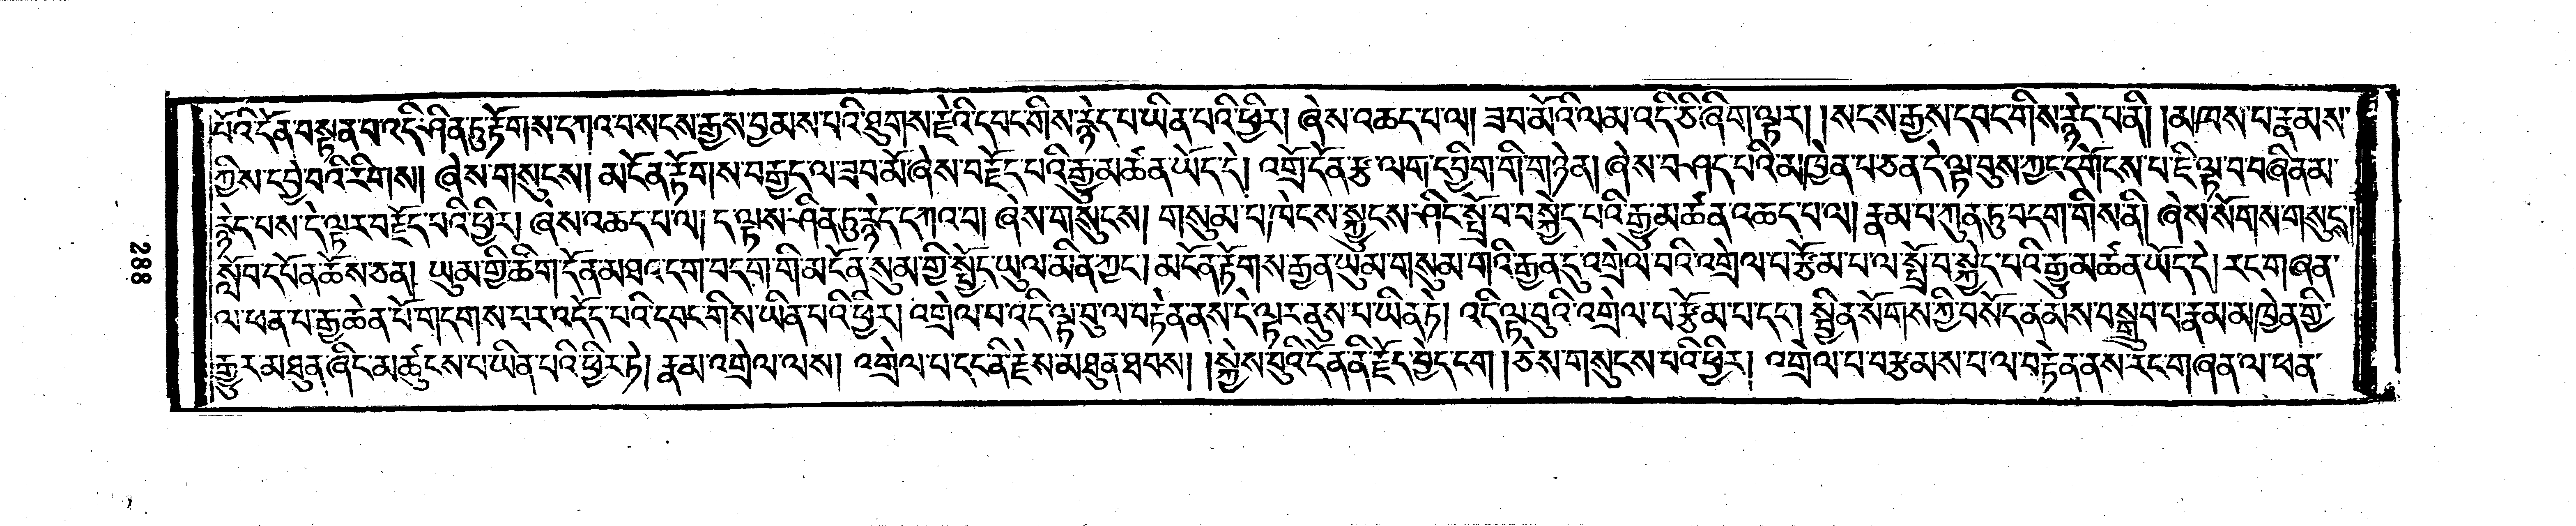པོའི་དོན་བསྟན་པ་འདི་ཤིན་ཏུ་རྟོགས་དཀའ་བ་སངས་རྒྱས་བྱམས་པའི་ཐུགས་རྗེའི་དབང་གིས་རྙེད་པ་ཡིན་པའི་ཕྱིར། ཞེས་འཆད་པ་ལ། ཟབ་མོའི་ལམ་འདི་ཅི་ཞིག་ལྟར། །སངས་རྒྱས་དབང་གིས་རྙེད་པ་ནི། །མཁས་པ་རྣམས་
ཀྱིས་དབྱེ་བའི་རིགས། ཞེས་གསུངས། མངོན་རྟོགས་བརྒྱད་ལ་ཟབ་མོ་ཞེས་བརྗོད་པའི་རྒྱུ་མཚན་ཡོད་དེ། འགྲོ་དོན་རྩ་ལག་དབྱིག་གི་གཉེན། ཞེས་བཤད་པའི་མཁྱེན་པ་ཅན་དེ་ལྟ་བུས་ཀྱང་དགོངས་པ་ཇི་ལྟ་བ་བཞིན་མ་
རྙེད་པས་དེ་ལྟར་བརྗོད་པའི་ཕྱིར། ཞེས་འཆད་པ་ལ། དེ་ལྟས་ཤིན་ཏུ་རྙེད་དཀའ་བ། ཞེས་གསུངས། གསུམ་པ་ཁེངས་སྐྱུངས་ཤིང་སྤྲོ་བ་བསྐྱེད་པའི་རྒྱུ་མཚན་འཆད་པ་ལ། རྣམ་པ་ཀུན་ཏུ་བདག་གིས་ནི། ཞེས་སོགས་གསུངས།
སློབ་དཔོན་ཆོས་ཅན། ཡུམ་གྱི་ཚིག་དོན་མཐའ་དག་བདག་གི་མངོན་སུམ་གྱི་སྤྱོད་ཡུལ་མིན་ཀྱང་། མངོན་རྟོགས་རྒྱན་ཡུམ་གསུམ་གའི་རྒྱན་དུ་འགྲེལ་བའི་འགྲེལ་པ་རྩོམ་པ་ལ་སྤྲོ་བ་སྐྱེད་པའི་རྒྱུ་མཚན་ཡོད་དེ། རང་གཞན་
ལ་ཕན་པ་རྒྱ་ཆེན་པོ་གདགས་པར་འདོད་པའི་དབང་གིས་ཡིན་པའི་ཕྱིར། འགྲེལ་པ་འདི་ལྟ་བུ་ལ་བརྟེན་ནས་དེ་ལྟར་ནུས་པ་ཡིན་ཏེ། འདི་ལྟ་བུའི་འགྲེལ་པ་རྩོམ་པ་དང་། སྦྱིན་སོགས་ཀྱི་བསོད་ནམས་བསྒྲུབ་པ་རྣམ་མཁྱེན་གྱི་
རྒྱུར་མཐུན་ཞིང་མཚུངས་པ་ཡིན་པའི་ཕྱིར་ཏེ། རྣམ་འགྲེལ་ལས། འགྲེལ་པ་དང་ནི་རྗེས་མཐུན་ཐབས། །སྐྱེས་བུའི་དོན་ནི་རྗོད་བྱེད་དག །ཅེས་གསུངས་པའི་ཕྱིར། འགྲེལ་པ་བརྩམས་པ་ལ་བརྟེན་ནས་རང་གཞན་ལ་ཕན་